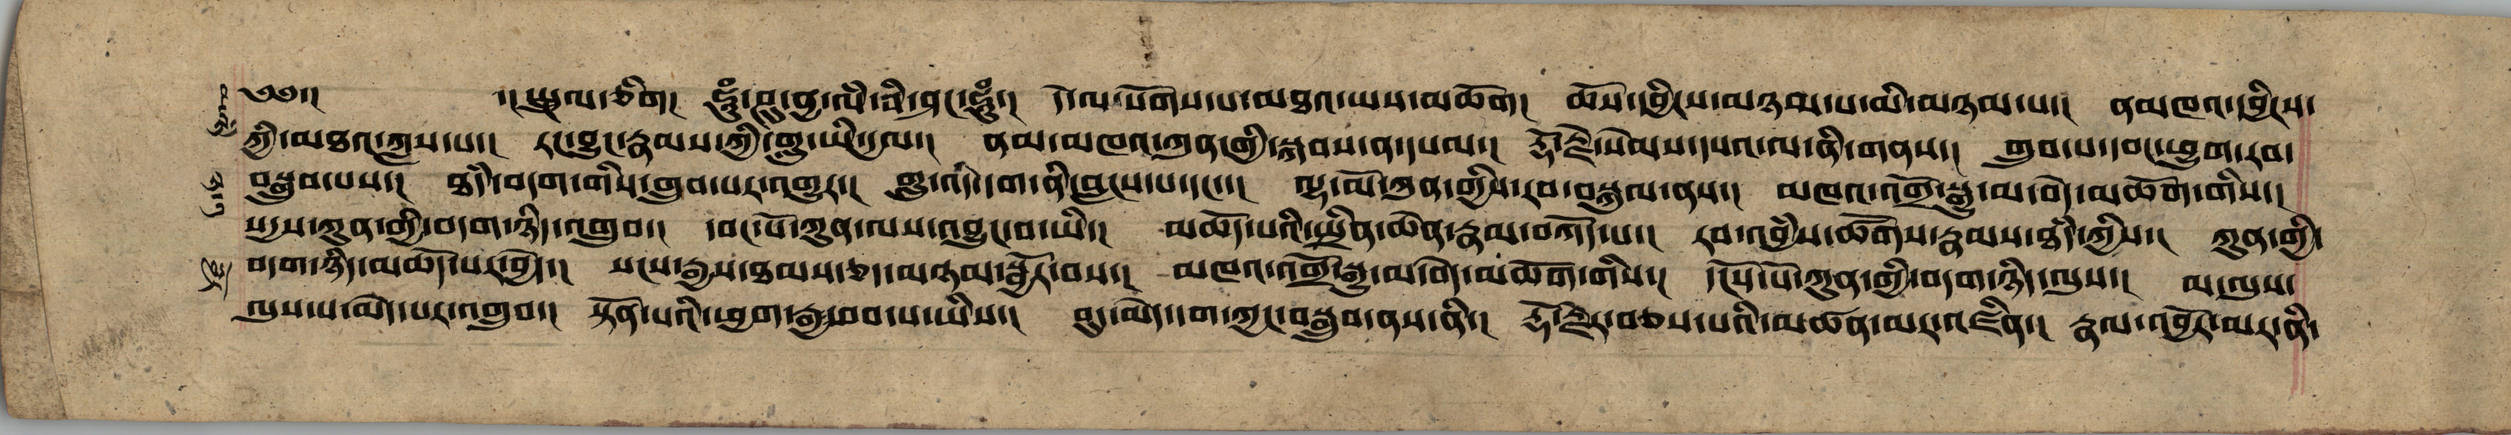༄༅་། ་།སྤྲུལ་ཅིག། ཧཱུཾ་ཤུ་ནྱ་ལཾ་བི་ཤང་ཧཱུཾ་། དེ་ལ་སོགས་པ་མཐའ་ཡས་མཆོག། ཆོས་དབྱིངས་མཉམ་པ་མི་མཉམ་པ་། ནམཁའ་དབྱིངས་
ཀྱི་མཐའ་ཀླས་པ་། རང་བྱུང་རྣམས་ཀྱི་གླུ་ཡི་དྱལ་། ནམ་མཁའ་ཀུན་གྱི་སྐབས་ན་དཔལ་། རྡོ་རྗེ་སེམས་དཔའ་ལ་ནི་གནས་། གྲུབ་པ་དབང་ཕྱུག་རབ་
བསྒྲུབ་པས་། ཐཾད་བདག་གིས་གྲུབ་པར་འགྱུར་། གླུ་འདི་དག་ནི་བླངས་པ་དང་་། ལྷ་མོ་ཀུན་གྱིས་རབ་བསྐུལ་ནས་། མཁའ་འགྲོ་སྒྱུ་མ་བདེ་མཆོག་གིས་།
སདྱས་ཀུན་གྱི་བདག་ཉིད་འགྲུབ་། དབང་པོ་ཀུན་ལས་འབྱུང་བ་ཡི་། མཆོད་པའི་སྤྲིན་ཆེན་རྣམ་བཀོད་པ་། རབ་འབྱཾས་ཚོགས་རྣམས་ཐཾད་ཀྱིས་། ཀུན་གྱི་
བདག་ཉིད་མཆོད་པར་བྱེད་། སངས་རྒྱས་ཐམས་ཅད་མཉམ་སྦྱོར་བས་། མཁའ་འགྲོ་སྒྱུ་མ་བདེ་མཆོག་གིས་། དངོས་པོ་ཀུན་གྱི་བདག་ཉིད་ལུས་། མ་ལུས་
ལུས་པ་མེད་པར་འགྲུབ་། སྟོན་པའི་ཕྱག་རྒྱ་བབ་པ་ཡིས་། བུད་མེད་དག་ཀྱང་བསྒྲུབ་ནས་ནི་། རྡོ་རྗེར་བཅས་པའི་མཚན་མར་འཛིན་། རྣལ་འབྱོར་མར་ནི་